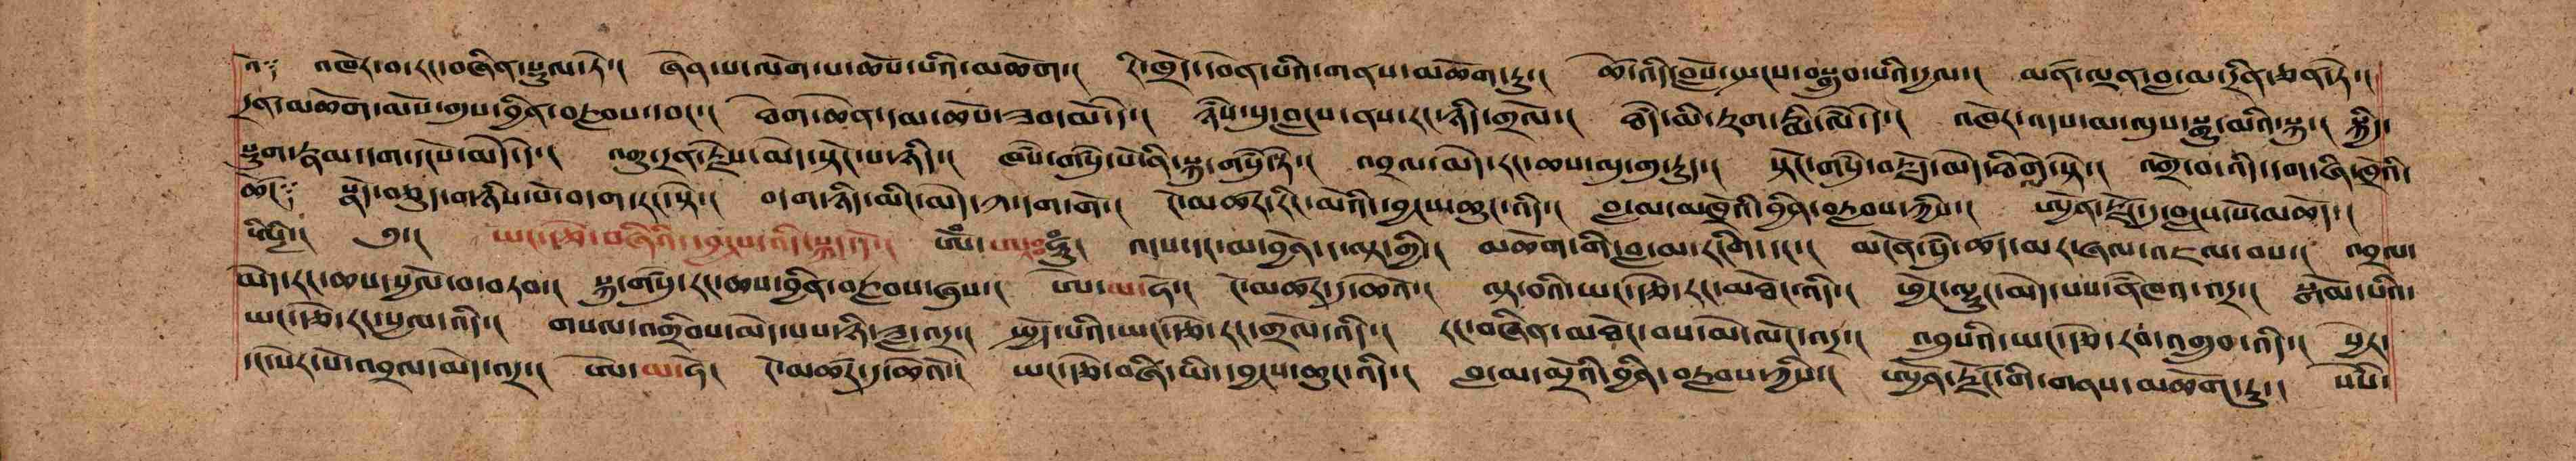འོ༑ འཁོར་བ་རང་བཞིན་སྡུག་བསྔལ་ཏེ། ཞེན་པ་ལོག་པ་ཆོས་པའི་མཆོག རི་ཁྲོད་དབེན་པའི་གནས་མཆོག་ཏུ། ཚེ་འདི་བློས་སྤངས་བསྒྲུབ་པའི་རྒྱལ། མཚན་ལྡན་བླ་མ་དྲིན་ཅན་ཏེ། 
དྲན་མཆོག་མོས་གུས་བྱིན་བརླབས་དབང་། ཐེག་ཆེན་དམ་ཆོས་ཟབ་མོ་དེ། ཉམས་སུ་བླངས་ནས་རང་ཉིད་གྲོལ། ཐམས་ཅད་མི་རྟག་རྨི་ལམ་དེ། འཁོར་འདས་མ་ལུས་སྒྱུ་མའི་སྐུ། སྐྱིད་
སྡུག་རྣམ་དག་དངོས་མེད་དེ། འགྱུ་དྲན་རྗེས་མེད་སྟོང་པ་ཉིད། ཁམས་གསུམ་སེམས་ཅན་སྐུ་གསུམ་ཏེ། འབྲལ་མེད་རང་ཆས་ལུ་གུ་རྒྱུད། སྟོང་གསུམ་བརྗོད་མེད་ཐིག་ཆེན་སྟེ། འགྲོ་བ་འདི་དག་ཞི་ཁྲོའི་
ཚོགས༑ སྣོད་བཅུད་གཉིས་པོ་བདག་རང་སྟེ། བདག་ཉིད་མིང་མེད་ཀ་དག་གོ། ངོ་མཚར་རིང་མོའི་དབྱངས་ཆུང་འདི། བླ་མ་མཁའ་འགྲོའི་བྱིན་བརླབས་ཀྱིས། ཨོ་རྒྱན་རྫོང་དུ་བླངས་པོ་མཆོད། 
ཨིཊི། ༄་། ཡང་རྩེ་བཞིའི་དབྱངས་འདི་སྐད་དོ། ཨོཾ་ཨཿཧཱུཾ། འདས་དང་མ་བྱོན་ད་ལྟ་གྱི། མཆོག་གི་བླ་མ་རང་རིག་དང་། མངོན་སུམ་ཚད་མར་ཞལ་འཇལ་བས། འབྲལ་
མེད་རང་ཆས་གསོལ་བ་བཏབ། སྐུ་གསུམ་རང་ཆས་བྱིན་བརླབས་ཞུས། ཨེ་མ་ཧོ། ངོ་མཚར་དུ་ཆེའོ། ལྟ་བའི་ཡང་རྩེ་རང་མཐོང་འདི། ཕྱོགས་ལྟུང་མེད་པས་ནམ་མཁའ་འདྲ། སྒོམ་པའི་
ཡང་རྩེ་རང་གསལ་འདི། གསལ་འགྲིབས་མེད་པས་ཉི་ཟླ་འདྲ། སྤྱོད་པའི་ཡང་རྩེ་རང་གྲོལ་འདི། རང་བཞིན་མཐོང་བས་མེ་ལོང་འདྲ། འབྲས་བུའི་ཡང་རྩེ་རབ་འགྲུབ་འདི། གསེར་
དང་སེར་པོ་འབྲལ་མེད་འདྲ། ཨེ་མ་ཧོ། ངོ་མཚར་དུ་ཆེའོ། ཡང་རྩེ་བཞི་ཡི་དབྱངས་ཆུང་འདི། བླ་མ་མཁའ་འགྲོའི་བྱིན་བརླབས་ཀྱིས། ཨོ་རྒྱན་རྫོང་གི་གནས་མཆོག་ཏུ། སེམས་